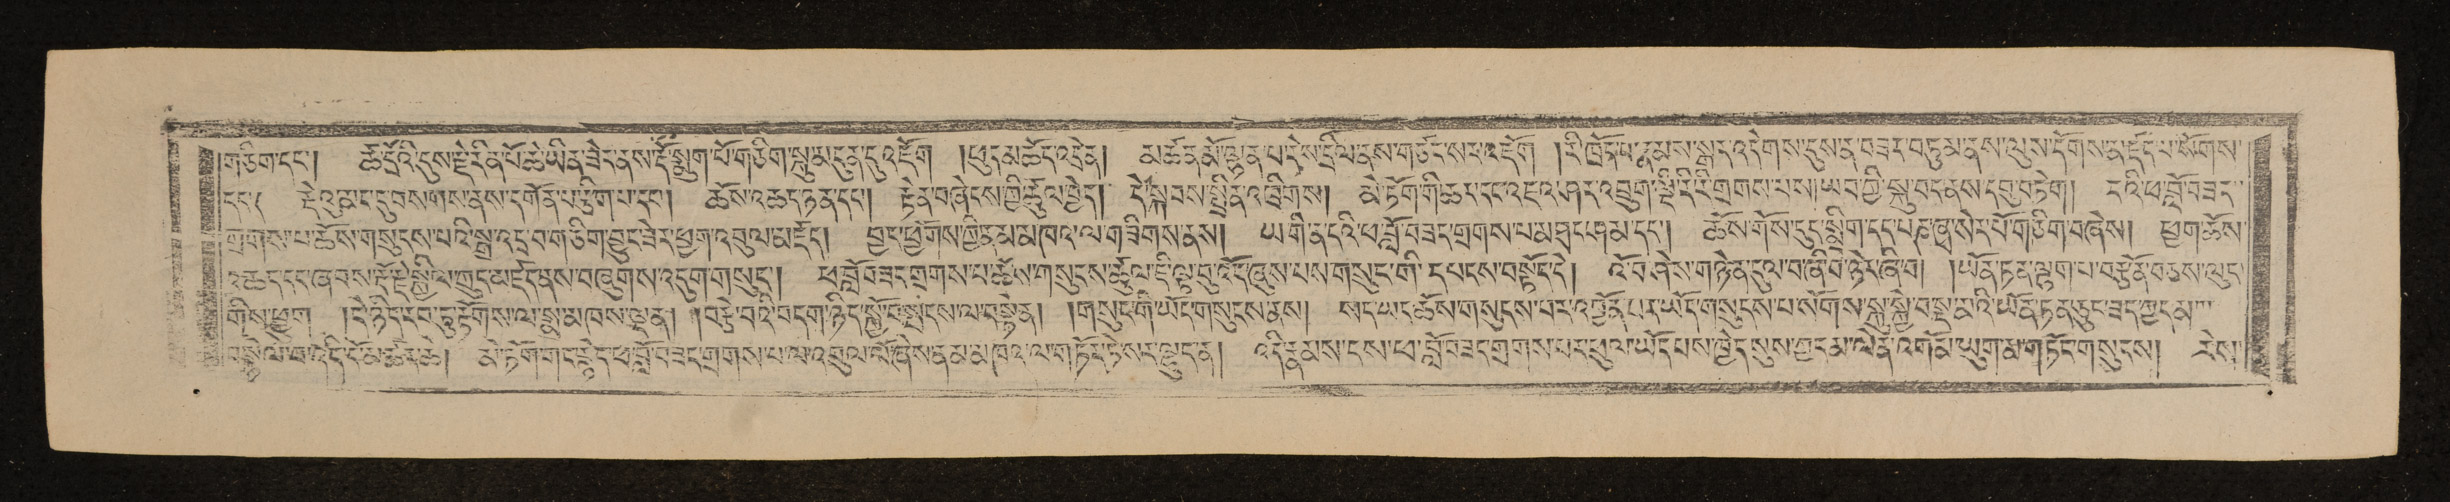གཅིག་དང་། ཚ་དྲོའི་དུས་རྗེ་རིན་པོ་ཆེ་ཡིན་ཟེར་ནས་རྡོ་སྨུག་པོ་གཅིག་སྐུ་མདུན་དུ་འཇོག །ཕུད་མཆོད་འདྲེན། མཚན་མོ་ལྷན་པ་རེས་དྲིལ་ནས་གཙང་སར་འཇོག །རི་ཁྲོད་པ་རྣམས་སྒར་འདེགས་དུས་ན་བཟང་བཏུམ་ནས་ལུས་དོགས་མཛད་བ་སོགས་
དང༑ རྡེའུ་མང་དུ་བསགས་ནས་དགོན་པ་རྩིག་པ་དང་། ཆོས་འཆད་ཉན་དང་། རྟེན་བཞེངས་ཀྱི་ཚུལ་བྱེད། དེ་སྐབས་སྤྲིན་འཁྲིགས། མེ་ཏོག་གི་ཆར་དང་འཇའ་ཤར་འབྲུག་ལྡི་རི་རི་གྲགས་པས། ཡབ་ཀྱི་སྐུ་བང་ནས་དབུ་བཏེག། ངའི་ཕ་བློ་བཟང་
གྲགས་པ་ཆོས་གསུངས་པའི་སྒྲ་འདྲ་བ་གཅིག་བྱུང་ཟེར་ཕྱག་འབུལ་མཛད། བྱང་ཕྱོགས་ཀྱི་ནམ་མཁའ་ལ་གཟིགས་ནས། ཡ་གི་ན་དའི་ཕ་བློ་བཟང་གྲགས་པ་མཐད་ཤམ་དང་། ཆོས་གོས་ངུར་སྨྲིག་དང་པཎ་ཞྭ་སེར་པོ་གཅིག་བཞེས། ཕྱག་ཆོས་
འཆད་དང་ཞབས་རྡོ་རྗེ་སྐྱིལ་ཀྲུང་མཛད་ནས་བཞུགས་འདུག་གསུང་། ཕ་བློ་བཟང་གྲགས་པ་ཆོས་གསུངས་ཚུལ་ཇི་ལྟ་བུ་འོང་ཞུས་པས་གསུང་གི་དཔངས་བསྟོད་དེ། འོ་བཤེས་གཉེན་དུལ་བཞི་བ་ཉེར་ཞིབ། །ཡོན་ཏན་ལྷག་པ་བརྩོན་བཅས་ལུང་
གིས་ཕྱུག །དེ་ཉིད་རབ་ཏུ་རྟོགས་ལ་སྨྲ་མཁས་ལྡན། །བརྩེ་བའི་བདག་ཉིད་སྐྱོ་བ་སྤངས་ལ་བསྟེན། །གསུང་གི་ཡོད་གསུངས་ནས། སང་ཡང་ཆོས་གསུངས་པར་འབྱོན་པར་ཡོད་གསུངས་པ་སོགས་སྐུ་སྐྱེ་བ་སྔ་མའི་ཡོན་ཏན་ཅུང་ཟད་ཀྱང་མ་
བསྙེལ་བ་འདི་ངོ་མཚར་ཆེ། མེ་ཏོག་གང་རྙེད་ཕ་བློ་བཟང་གྲགས་བ་ལ་འབུལ་ལོ་ཞེས་ནམ་མཁའ་ལ་གཏོར་ཏེ་སར་ལྷུང་ན། འདི་རྣམས་ངས་ཕ་བློ་བཟང་གྲགས་པར་ཕུལ་ཡོད་པས་ཁྱེད་སུས་ཀྱང་མ་ལེན་འགོམ་ཡུག་མ་གཏོང་གསུངས། རེས་